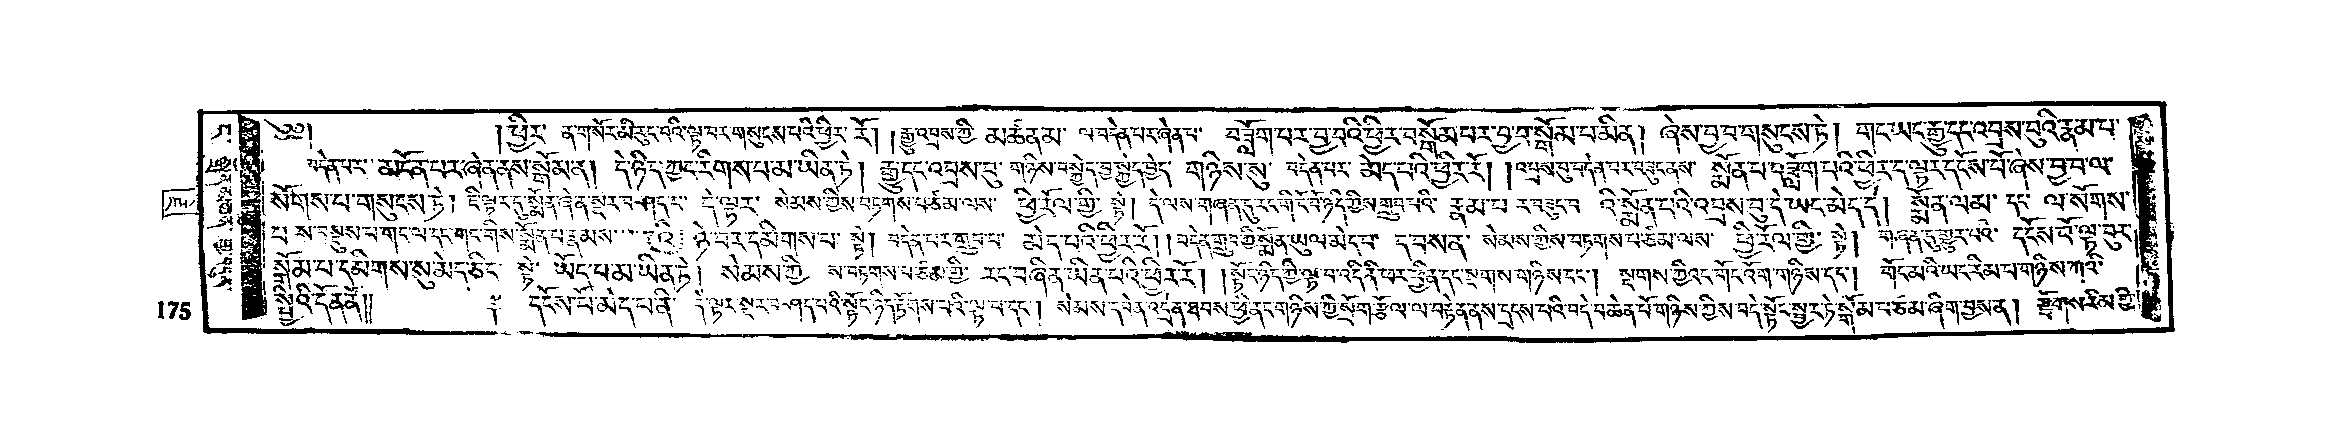༄༅། །ཕྱིར་ན་གསོར་མི་རུང་བའི་ལྟ་བར་གསུངས་པའི་ཕྱིར་རོ། ། རྒྱུ་འབྲས་ཀྱི་མཚན་མ་ལ་བདེན་པར་ཞེན་པ་བཟློག་པར་བྱ་བའི་ཕྱིར་བསྒོམ་པར་བྱ་བ་སྒོམ་པ་མིན། ཞེས་བྱ་བ་གསུངས་ཏེ། གང་ཡང་རྒྱུ་དང་འབྲས་བུའི་རྣམ་པ་
ལ་བདེན་པར་མངོན་པར་ཞེན་ནས་སྒོམ་ན། དེ་ཉིད་ཀྱང་རིགས་པ་མ་ཡིན་ཏེ། རྒྱུ་དང་འབྲས་བུ་གཉིས་བསྐྱེད་བྱ་སྐྱེད་བྱེད་གཉིས་སུ་བདེན་པར་མེད་པའི་ཕྱིར་རོ། ། འབྲས་བུ་བདེན་པར་བཟུང་ནས་སྨོན་པ་བཟློག་པའི་ཕྱིར་དེ་ལྟར་དངོས་པོ་ཞེས་བྱ་བ་ལ་
སོགས་པ་གསུངས་ཏེ། ཇི་ལྟར་དུ་སྨོན་ཞེན་སྔར་བཤད་པ་དེ་ལྟར་སེམས་ཀྱིས་བཏགས་པ་ཙམ་ལས་ཕྱི་རོལ་གྱི་སྟེ། དེ་ལས་གཞན་དུ་རང་གི་ངོ་བོ་ཉིད་ཀྱིས་གྲུབ་པའི་རྣམ་པར་བཟུང་བའི་སྨོན་པའི་འབྲས་བུ་དེ་ཡང་མེད་དེ། སྨོན་ལམ་དང་ལ་སོགས་
པས་བསྡུས་པ་གང་ལ་དང་གང་གིས་སྨོན་པ་རྣམས་འི་ཉེ་བར་དམིགས་པ་སྟེ། བདེན་པར་གྲུབ་པ་མེད་པའི་ཕྱིར་རོ། ། བདེན་གྲུབ་ཀྱི་སྨོན་ཡུལ་མེད་པ་དེ་བས་ན་སེམས་ཀྱིས་བཏགས་པ་ཙམ་ལས་ཕྱི་རོལ་གྱི་སྟེ། གཞན་དུ་གྱུར་བའི་དངོས་པོ་ལྟ་བུར་
སྒོམ་པ་དམིགས་སུ་མེད་ཅིང་སྟེ་ཡོད་པ་མ་ཡིན་ཏེ། སེམས་ཀྱི་ས་བཏགས་པ་ཙམ་གྱི་རང་བཞིན་ཡིན་པའི་ཕྱིར་རོ། ། སྟོང་ཉིད་ཀྱི་ལྟ་བ་འདི་ནི་ཕར་ཕྱིན་དང་སྔགས་གཉིས་དང་། སྔགས་ཀྱིའང་གོང་འོག་གཉིས་དང་། གོང་མའི་ཡང་རིམ་པ་གཉིས་ཀའི
སྤྱིའི་དོན་ནོ།། ༈ དངོས་པོ་མེད་པ་ནི་དེ་ལྟར་སྔར་བཤད་པའི་སྟོང་ཉིད་རྟོགས་པའི་ལྟ་བ་དང་། སེམས་དབེན་འདྲེན་ཐབས་ཕྱི་ནང་གཉིས་ཀྱི་སྲོག་རྩོལ་ལ་བརྟེན་ནས་དྲངས་པའི་བདེ་བ་ཆེན་པོ་གཉིས་ཀྱིས་བདེ་སྟོང་སྦྱར་ཏེ་སྒོམ་པ་ཙམ་ཞིག་བྱས་ན། རྫོགས་རིམ་གྱི་